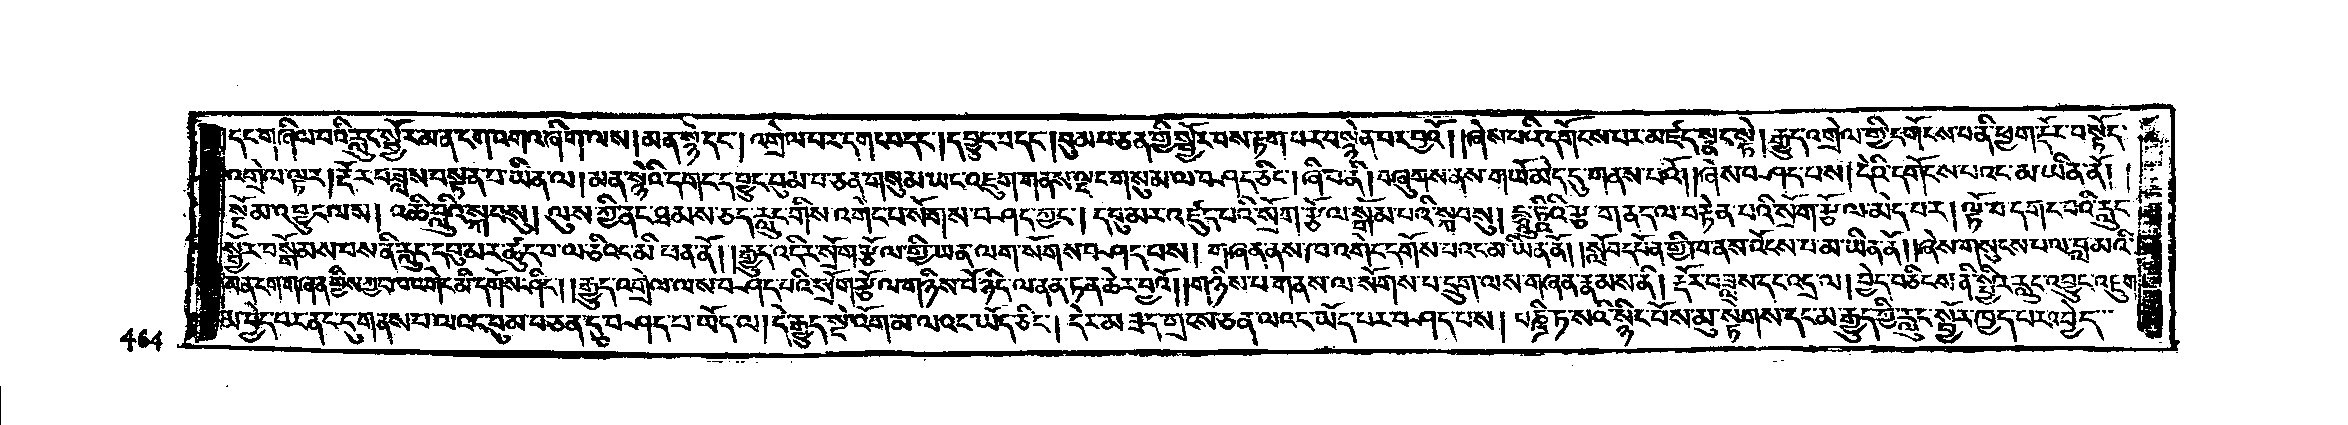དང་གཞིལ་བའི་རླུང་སྦྱོར་མན་ངག་འགའ་ཞིག་ལས། མན་སྙེ་དང་། འགྲེལ་པར་དགང་བ་དང་། དབྱུང་བ་དང་། བུམ་པ་ཅན་གྱི་སྦྱོར་བས་རྟག་པར་བསྙེན་པར་བྱའོ། །ཞེས་པའི་དགོངས་པར་མཛད་སྣང་སྟེ། རྒྱུད་འགྲེལ་གྱི་དགོངས་པ་ནི་ཕྱག་རྡོར་བསྟོད་
འགྲེལ་ལྟར། རྡོར་བཟླས་བསྟན་པ་ཡིན་ལ། མན་སྙེའི་དགང་དབྱུང་བུམ་པ་ཅན་གསུམ་ཡང་འཇུག་གནས་ལྡང་གསུམ་ལ་བཤད་ཅིང་། ཞི་པ་ནི། བཞུགས་ནས་གཡོ་མེད་དུ་གནས་པའོ། །ཞེས་བཤད་པས། དེའི་དགོངས་པའང་མ་ཡིན་ནོ། ། སྡོམ་འབྱུང་ལས། འཆི་བླུའི་སྐབས་སུ། ལུས་ཀྱི་ནང་ཐམས་ཅད་རླུང་གིས་འགེང་པ་སོགས་བཤད་ཀྱང་། དབུ་མར་འཛུད་པའི་སྲོག་རྩོལ་སྒོམ་པའི་སྐབས་སུ། དྷཱུ་ཏཱིའི་རྩ་གནད་ལ་བརྟེན་པའི་སྲོག་རྩོལ་མེད་པར། ལྟོ་བ་དགང་བའི་རླུང་
སྦྱོར་བསྒོམས་པས་ནི་རླུང་དབུ་མར་ཚུད་པ་ལ་ཅིའང་མི་ཕན་ནོ། །རྒྱུད་འདིར་སྲོག་རྩོལ་གྱི་ཡན་ལག་སོགས་བཤད་པས། གཞན་ནས་ཁ་འགེང་དགོས་པའང་ཡིན་ནོ། །སློབ་དཔོན་གྱི་ཁ་ནས་འོངས་པ་མ་ཡིན་ནོ། །ཞེས་གསུངས་པ་ལ་བླ་མའི་
མན་ངག་གཞན་གྱིས་ཀྱང་ཁ་འགེང་མི་དགོས་ཤིང་། །རྒྱུད་འགྲེལ་ལས་བཤད་པའི་སྲོག་རྩོལ་གཉིས་པོ་ཉིད་ལ་ནན་ཏན་ཆེར་བྱའོ། །གཉིས་པ་གནས་ལ་སོགས་པ་དྲུག་ལས་གཞན་རྣམས་ནི། རྡོར་བཟླས་དང་འདྲ་ལ། བྱེད་བཅིངས་ནི་སྤྱིར་རླུང་འབྱུང་འཇུག་
མ་བྱེད་པར་ནང་དུ་གནས་པ་ལའང་བུམ་པ་ཅན་དུ་བཤད་པ་ཡོད་ལ། དེ་རྒྱུད་སྡེ་འོག་མ་ལའང་ཡོད་ཅིང་། དེར་མ་ཟད་གྲངས་ཅན་ལའང་ཡོད་པར་བཤད་པས། པཎྜི་ཏ་སའི་སྙིང་པོས་མུ་སྟེགས་དང་མ་རྒྱུད་ཀྱི་རླུང་སྦྱོར་ཁྱད་པར་འབྱེད་